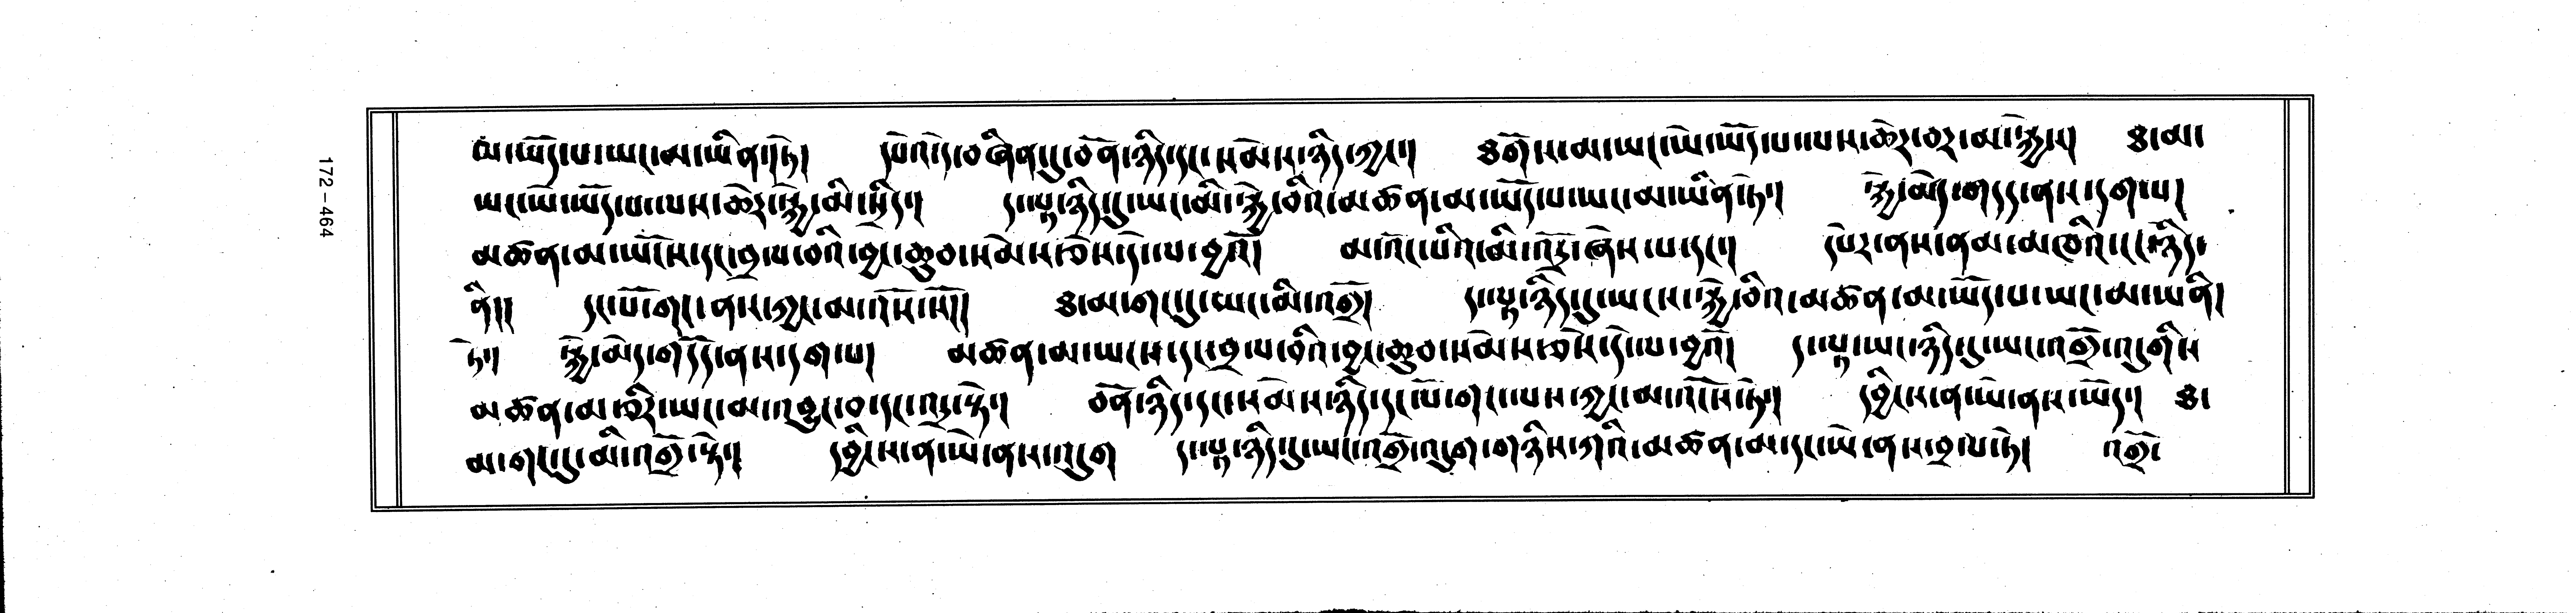མ་ཡོད་པ་ཡང་མ་ཡིན་ཏེ། དཔེའ་དེ་བཞིན་དུ་བོན་ཉིད་དང་སེམས་ཉིད་ཀྱང་། ཐོགས་མ་ཡང་ཡེ་ཡོད་པ་ལས་ཆེར་བར་མ་སྐྱེས། ཐ་མ་
ཡང་ཡེ་ཡོད་པ་ལས་ཆེར་སྐྱེ་མི་སྲིད། ད་ལྟ་ཉིད་དུ་ཡང་མི་སྐྱེ་བའི་མཚན་མ་ཡོད་པ་ཡང་མ་ཡིན་ཏེ། སྐྱེ་མེད་གདོད་ནས་དག་པ། 
མཚན་མ་ཡོངས་དང་བྲལ་བའི་བྱང་ཆུབ་སེམས་ཅེས་དེ་ལ་བྱའོ། མ་འོང་པའི་མི་འགྲོ་ཞེས་པ་དང་། དཔེར་ནས་ནམ་མཁའི་ངང་ཉིད་
ནི། དང་པོ་གང་ནས་ཀྱང་མ་འོངས་སོ། ཐ་མ་གང་དུ་ཡང་ཡི་འགྲོ ད་ལྟ་ཉིད་དུ་ཡང་སྐྱེ་བའི་མཚན་མ་ཡོད་པ་ཡང་མ་ཡིན་
ཏེ། སྐྱེ་མེད་གདོད་ནས་དག་པ། མཚན་མ་ཡོངས་དང་བྲལ་བའི་བྱང་ཆུབ་སེམས་ཅེས་དེ་ལ་བྱའོ། ད་ལྟ་ཡང་ཉིད་དུ་ཡང་འགྲོ་འདུག་གིས་
མཚན་མ་ཅིར་ཡང་མ་འབྱུང་བ་དང་འདྲ་སྟེ། བོན་ཉིད་དང་སེམས་ཉིད་དང་པོ་གང་ལས་ཀྱང་མ་འོངས་ཏེ། དབྱིངས་ན་ཡེ་ནས་ཡོད། ཐ་
མ་གང་དུ་མི་འགྲོ་སྟེ། དབྱིངས་ན་ཡེ་ནས་འདུག ད་ལྟ་ཉིད་དུ་ཡང་འགྲོ་འདུག་གཉིས་ཀའི་མཚན་མ་དང་ཡེ་ནས་བྲལ་ཏེ། འགྲོ་